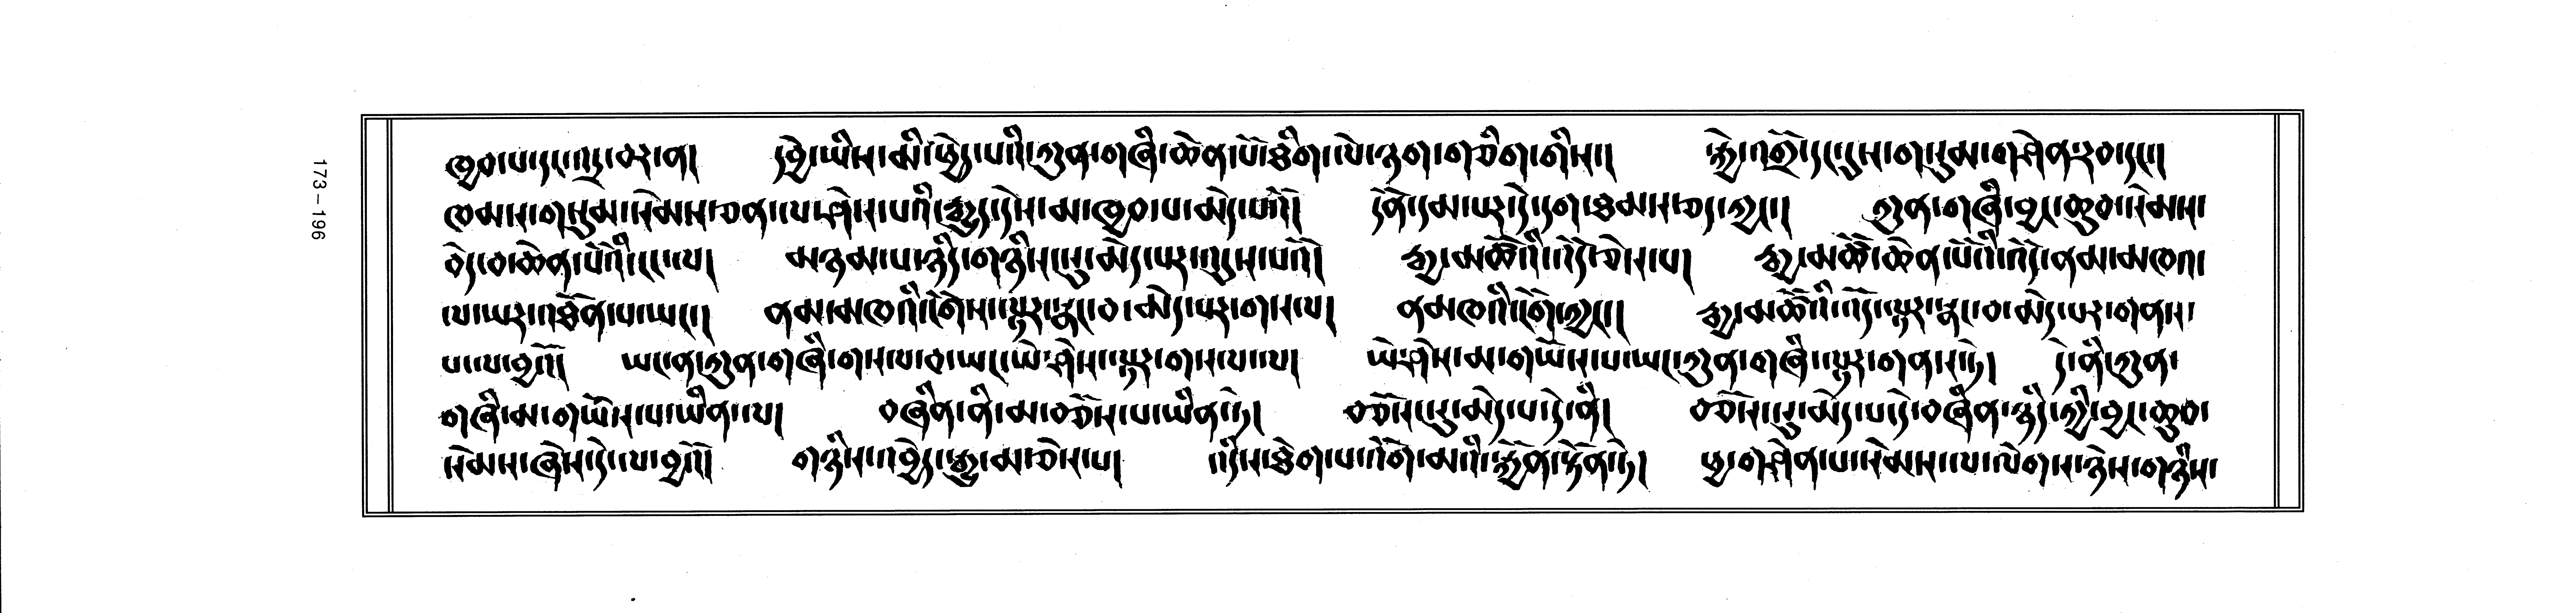ཁྱབ་པ་དང་འདྲ་བས་ན། དབྱེ་ཡིས་མི་ཕྱེད་པའི་ཀུན་གཞི་ཆེན་པོ་ཐིག་ལེ་ཉག་གཅིག་གིས། སྐྱེ་འགྲོ་དང་དུས་གསུམ་གཤེན་རབ་དང་། 
ཁམས་གསུམ་སེམས་ཅན་ལ་ཤེས་པའི་རྒྱུད་དེས་མ་ཁྱབ་པ་མེད་པའོ། །དོན་དམ་པར་དེ་དག་ཐམས་ཅད་ཀྱང་། ཀུན་གཞི་བྱང་ཆུབ་སེམས་
བདེ་བ་ཆེན་པོའི་ངང་ལ། མཉམ་པ་ཉིད་གཉིས་སུ་མེད་པར་འདུས་པའོ། །རྒྱ་མཚོའི་འོད་ཅེས་པ། རྒྱ་མཚོ་ཆེན་པོའི་འོད་ནམ་མཁའ་
ལ་ཡར་ཐོན་པ་ཡང་། ནམ་མཁའི་ངོགས་ལྟར་སྣང་བ་མེད་པར་གསལ། ནམ་མཁའི་ངོགས་ཀྱང་། རྒྱ་མཚོའི་འོད་ལྟར་སྣང་བ་མེད་པར་གནས་
པ་ལ་བྱའོ། །ཡང་ན་ཀུན་གཞི་གསལ་བ་ཡང་ཡེ་ཤེས་ལྟར་གསལ་ལ། ཡེ་ཤེས་མ་གཡོས་པ་ཡང་ཀུན་གཞི་ལྟར་གནས་ཏེ། དེ་ནི་ཀུན་
གཞི་མ་གཡོས་པ་ཡིན་ལ། བཞིན་ནི་མ་བཅོས་པ་ཡིན་ཏེ། བཅོས་སུ་མེད་པ་དེ་ནི། བཅོས་སུ་མེད་པ་དེ་བཞིན་ཉིད་ཀྱི་བྱང་ཆུབ་
སེམས་ཞེས་དེ་ལ་བྱའོ། །གཉིས་འབྱེད་སྒྱུ་མ་ཅེས་པ། འདིས་ཐེག་པ་འོག་མའི་སྐྱོན་སྟོན་ཏེ། ཕྱ་གཤེན་པ་སེམས་ལ་ལེགས་ཉེས་གཉིས་